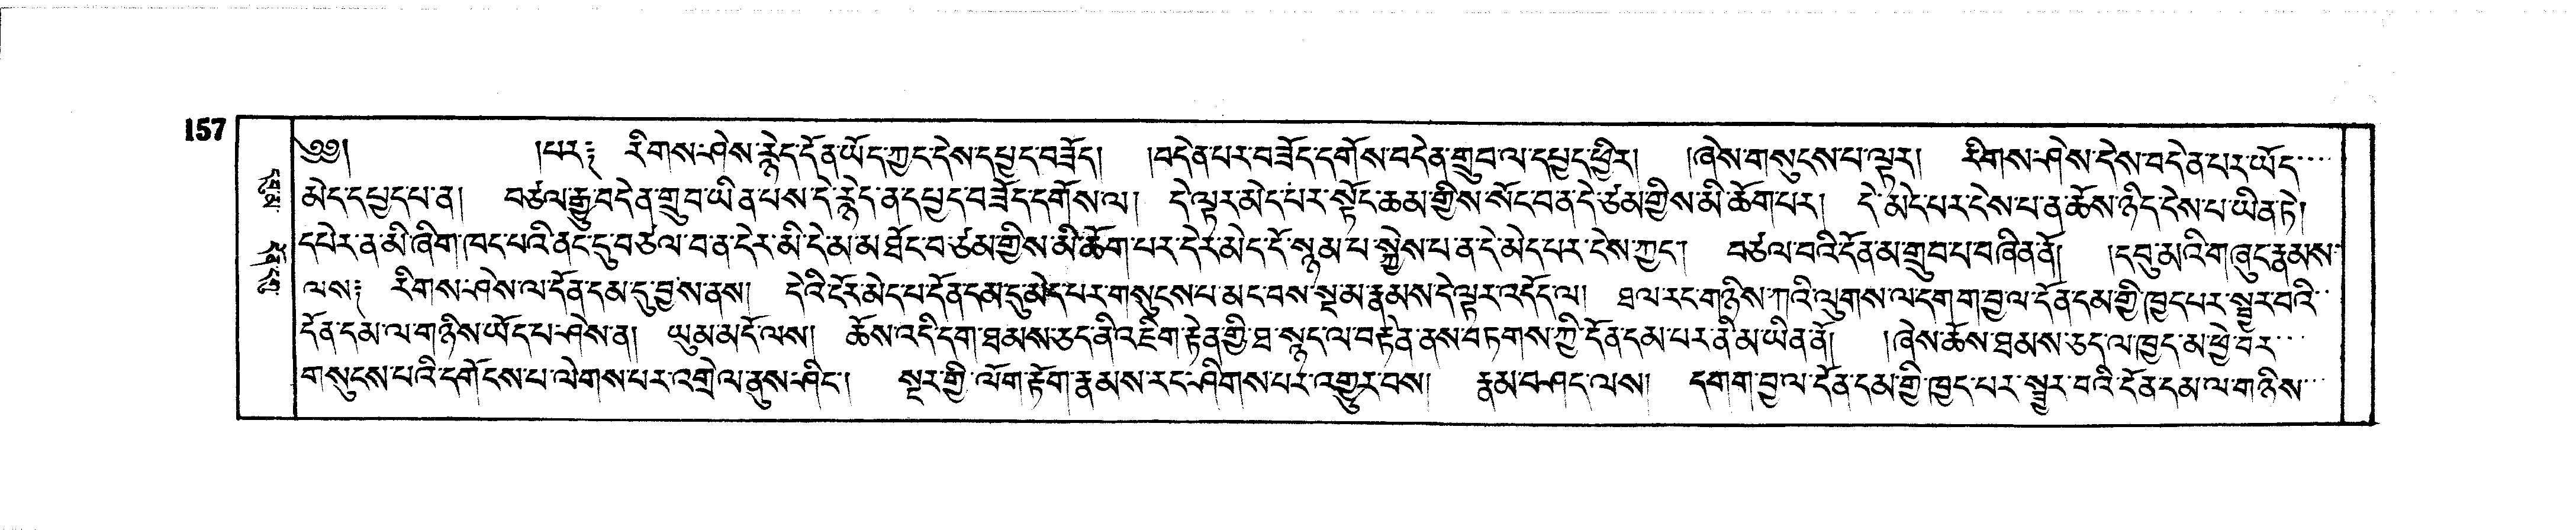༄༅། །པར། རིགས་ཤེས་རྙེད་དོན་ཡོད་ཀྱང་དེས་དཔྱད་བཟོད། །བདེན་པར་བཟོད་དགོས་བདེན་གྲུབ་ལ་དཔྱད་ཕྱིར། །ཞེས་གསུངས་པ་ལྟར། རིགས་ཤེས་དེས་བདེན་པར་ཡོད་
མེད་དཔྱད་པ་ན། བཙལ་རྒྱུ་བདེན་གྲུབ་ཡིན་པས་དེ་རྙེད་ན་དཔྱད་བཟོད་དགོས་ལ། དེ་ལྟར་མེད་པར་སྟོང་ཆམ་གྱིས་སོང་བ་ན་དེ་ཙམ་གྱིས་མི་ཆོག་པར། དེ་མེད་པར་ངེས་པ་ན་ཆོས་ཉིད་ངེས་པ་ཡིན་ཏེ།
དཔེར་ན་མི་ཞིག་ཁང་པའི་ནང་དུ་བཙལ་བ་ན་དེར་མི་དེ་མ་མཐོང་བ་ཙམ་གྱིས་མི་ཆོག་པར་དེར་མེད་དོ་སྙམ་པ་སྐྱེས་པ་ན་དེ་མེད་པར་ངེས་ཀྱང་། བཙལ་བའི་དོན་མ་གྲུབ་པ་བཞིན་ནོ། །དབུ་མའི་གཞུང་རྣམས་
ལས། རིགས་ཤེས་ལ་དོན་དམ་དུ་བྱས་ནས། དེའི་ངོར་མེད་པ་དོན་དམ་དུ་མེད་པར་གསུངས་པ་མང་བས་སྔ་མ་རྣམས་དེ་ལྟར་འདོད་ལ། ཐལ་རང་གཉིས་ཀའི་ལུགས་ལ་དགག་བྱ་ལ་དོན་དམ་གྱི་ཁྱད་པར་སྦྱར་བའི་
དོན་དམ་ལ་གཉིས་ཡོད་པ་ཤེས་ན། ཡུམ་མདོ་ལས། ཆོས་འདི་དག་ཐམས་ཅད་ནི་འཇིག་རྟེན་གྱི་ཐ་སྙད་ལ་བརྟེན་ནས་བཏགས་ཀྱི་དོན་དམ་པར་ནི་མ་ཡིན་ནོ། །ཞེས་ཆོས་ཐམས་ཅད་ལ་ཁྱད་མ་ཕྱེ་བར་
གསུངས་པའི་དགོངས་པ་ལེགས་པར་འགྲེལ་ནུས་ཤིང་། སྔར་གྱི་ལོག་རྟོག་རྣམས་རང་ཤིགས་པར་འགྱུར་བས། རྣམ་བཤད་ལས། དགག་བྱ་ལ་དོན་དམ་གྱི་ཁྱད་པར་སྦྱར་བའི་དོན་དམ་ལ་གཉིས་